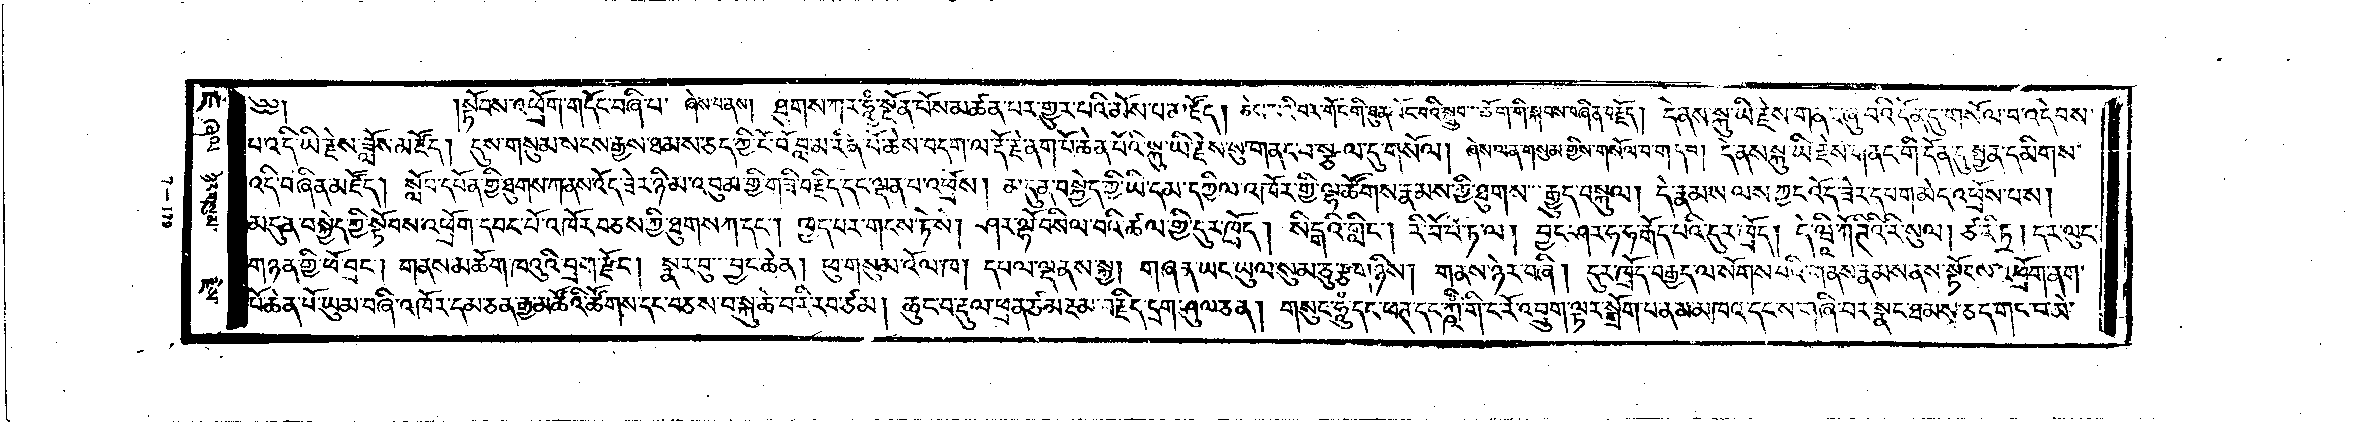༄༅། །སྟོབས་འཕྲོག་གདོང་བཞི་པ་ཞེས་པ་ནས།  ཐུགས་ཀར་ཧཱུཾ་སྔོན་པོས་མཚན་བར་གྱུར་བའི་མོས་བ་མཛོད། ཅེས་པའི་བར་གོང་གི་ཐུན་མོང་བའི་སྒྲུབ་ཆོག་གི་སྐབས་བཞིན་བརྗོད།  དེ་ནས་སྐུ་ཡི་རྗེས་གནང་ཞུ་བའི་དོན་དུ་གསོལ་བ་འདེབས་
བ་འདི་ཡི་རྗེས་ཟློས་མཛོད། དུས་གསུམ་སངས་རྒྱས་ཐམས་ཅད་ཀྱི་ངོ་བོ་བླ་མ་རིན་པོ་ཆེས་བདག་ལ་རྡོ་རྗེ་ནག་པོ་ཆེན་པོའི་སྐུ་ཡི་རྗེས་སུ་གནང་བ་སྩལ་དུ་གསོལ། ཞེས་ལན་གསུམ་གྱིས་གསོལ་བ་གདབ།  དེ་ནས་སྐུ་ཡི་རྗེས་གནང་གི་དོན་དུ་སྤྱན་དམིགས་
འདི་བཞིན་མཛོད། སློབ་དཔོན་གྱི་ཐུགས་གནས་འོད་ཟེར་ཉི་མ་འབུམ་གྱི་གཟི་བརྗིད་དང་ལྡན་པ་འཕྲོས། མདུན་བསྐྱེད་ཀྱི་ཡི་དམ་དཀྱིལ་འཁོར་གྱི་ལྷ་ཚོགས་རྣམས་ཀྱི་ཐུགས་རྒྱུད་བསྐུལ། དེ་རྣམས་ལས་ཀྱང་འོད་ཟེར་དཔག་མེད་འཕྲོས་པས།
མདུན་བསྐྱེད་ཀྱི་སྟོབས་འཕྲོག་དབང་པོ་འཁོར་བཅས་ཀྱི་ཐུགས་ཀ་དང་། ཁྱད་པར་གངས་ཏེ་སེ། ཤར་ལྷོ་བསིལ་བའི་ཚལ་གྱི་དུར་ཁྲོད། སིངྒའི་གླིང་། རི་བོ་པོ་ཏ་ལ། བྱང་ཤར་ཧ་ཧ་རྒོད་པའི་དུར་ཁྲོད། དེ་ཝཱི་ཀོ་ཊིའི་རི་སུལ། ཙ་རི་ཏྲ། དར་ལུང་
གཉན་གྱི་ཕོ་བྲང་། གནས་མཆོག་ཁའུའི་བྲག་རྫོང་། སྣར་བུ་བྱང་ཆེན། ཕུ་གསུམ་འོལ་ཁ། དཔལ་ལྡན་ས་སྐྱ། གཞན་ཡང་ཡུལ་སུམ་ཅུ་རྩ་གཉིས། གནས་ཉེར་བཞི། དུར་ཁྲོད་བརྒྱད་ལ་སོགས་པའི་གནས་རྣམས་ནས་སྟོབས་འཕྲོག་ནག་
པོ་ཆེན་པོ་ཡུམ་བཞི་འཁོར་དམ་ཅན་རྒྱ་མཚོའི་ཚོགས་དང་བཅས་པ་སྐུ་ཆེ་བ་རི་རབ་ཙམ། ཆུང་བ་རྡུལ་ཕྲན་ཙམ་རྔམ་བརྗིད་དྲག་ཤུལ་ཅན། གསུང་ཧཱུཾ་དང་ཕཊ་དང་ཀྵིཾ་གི་ང་རོ་འབྲུག་ལྟར་སྒྲོག་པ་ནམ་མཁའ་དང་ས་གཞི་བར་སྣང་ཐམས་ཅད་གང་བ་མེ་